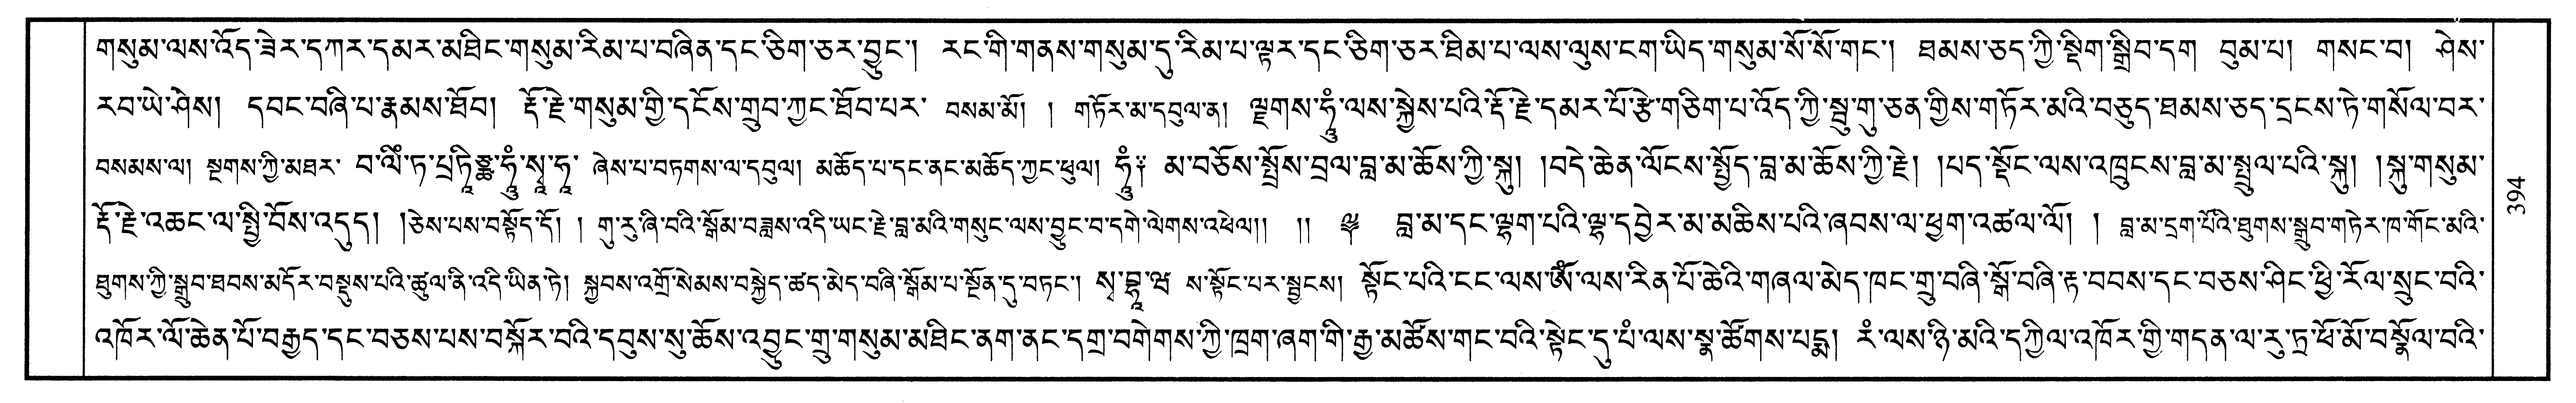གསུམ་ལས་འོད་ཟེར་དཀར་དམར་མཐིང་གསུམ་རིམ་པ་བཞིན་དང་ཅིག་ཅར་བྱུང་། རང་གི་གནས་གསུམ་དུ་རིམ་པ་ལྟར་དང་ཅིག་ཅར་ཐིམ་པ་ལས་ལུས་ངག་ཡིད་གསུམ་སོ་སོ་གང་། ཐམས་ཅད་ཀྱི་སྡིག་སྒྲིབ་དག་བུམ་པ། གསང་བ། ཤེས་
རབ་ཡེ་ཤེས། དབང་བཞི་པ་རྣམས་ཐོབ། རྡོ་རྗེ་གསུམ་གྱི་དངོས་གྲུབ་ཀྱང་ཐོབ་པར་བསམ་མོ། །གཏོར་མ་དབུལ་ན། ལྗགས་ཧཱུཾ་ལས་སྐྱེས་པའི་རྡོ་རྗེ་དམར་པོ་རྩེ་གཅིག་པ་འོད་ཀྱི་སྦུ་གུ་ཅན་གྱིས་གཏོར་མའི་བཅུད་ཐམས་ཅད་དྲངས་ཏེ་གསོལ་བར་
བསམས་ལ། སྔགས་ཀྱི་མཐར་བ་ལིཾ་ཏ་པྲཏཱིཙྪ་ཧཱུཾ་སྭཱ་ཧཱ་ཞེས་པ་བཏགས་ལ་དབུལ། མཆོད་པ་དང་ནང་མཆོད་ཀྱང་ཕུལ། ཧཱུཾ། མ་བཅོས་སྤྲོས་བྲལ་བླ་མ་ཆོས་ཀྱི་སྐུ། །བདེ་ཆེན་ལོངས་སྤྱོད་བླ་མ་ཆོས་ཀྱི་རྗེ། །པད་སྡོང་ལས་འཁྲུངས་བླ་མ་སྤྲུལ་པའི་སྐུ། །སྐུ་གསུམ་
རྡོ་རྗེ་འཆང་ལ་སྤྱི་བོས་འདུད། །ཅེས་པས་བསྟོད་དོ། །གུ་རུ་ཞི་བའི་སྒོམ་བཟླས་འདི་ཡང་རྗེ་བླ་མའི་གསུང་ལས་བྱུང་བ་དགེ་ལེགས་འཕེལ།། །། ༈ བླ་མ་དང་ལྷག་པའི་ལྷ་དབྱེར་མ་མཆིས་པའི་ཞབས་ལ་ཕྱག་འཚལ་ལོ། །བླ་མ་དྲག་པོའི་ཐུགས་སྒྲུབ་གཏེར་ཁ་གོང་མའི་
ཐུགས་ཀྱི་སྒྲུབ་ཐབས་མདོར་བསྡུས་པའི་ཚུལ་ནི་འདི་ཡིན་ཏེ། སྐྱབས་འགྲོ་སེམས་བསྐྱེད་ཚད་མེད་བཞི་སྒོམ་པ་སྔོན་དུ་བཏང་། སྭ་བྷཱ་ཝ་ས་སྟོང་པར་སྦྱངས། སྟོང་པའི་ངང་ལས་ཨོཾ་ལས་རིན་པོ་ཆེའི་གཞལ་མེད་ཁང་གྲུ་བཞི་སྒོ་བཞི་རྟ་བབས་དང་བཅས་ཤིང་ཕྱི་རོལ་སྲུང་བའི་
འཁོར་ལོ་ཆེན་པོ་བརྒྱད་དང་བཅས་པས་བསྐོར་བའི་དབུས་སུ་ཆོས་འབྱུང་གྲུ་གསུམ་མཐིང་ནག་ནང་དགྲ་བགེགས་ཀྱི་ཁྲག་ཞག་གི་རྒྱ་མཚོས་གང་བའི་སྟེང་དུ་པཾ་ལས་སྣ་ཚོགས་པདམ། རཾ་ལས་ཉི་མའི་དཀྱིལ་འཁོར་གྱི་གདན་ལ་རུ་ཏྲ་ཕོ་མོ་བསྣོལ་བའི་